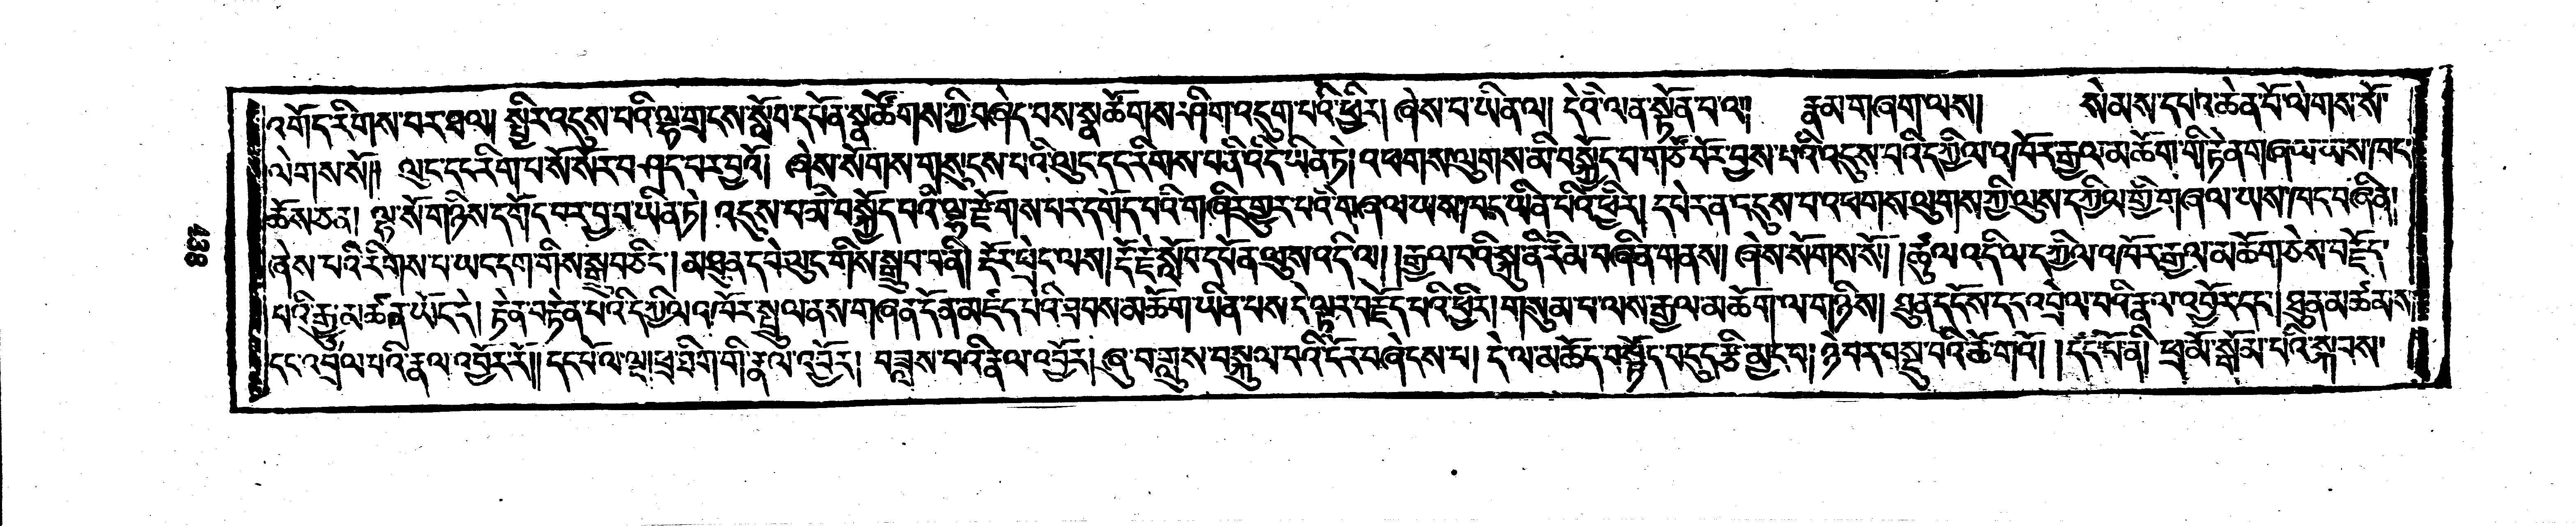འགོད་རིགས་པར་ཐལ། སྤྱིར་འདུས་པའི་ལྷ་གྲངས་སློབ་དཔོན་སྣ་ཚོགས་ཀྱི་བཞེད་པས་སྣ་ཚོགས་ཤིག་འདུག་པའི་ཕྱིར། ཞེས་པ་ཡིན་ལ། དེའི་ལན་སྟོན་པ་ལ། རྣམ་གཞག་ལས། སེམས་དཔའ་ཆེན་པོ་ལེགས་སོ་
ལེགས་སོ། །ལུང་དང་རིག་པ་སོ་སོར་བཤད་པར་བྱའོ། ཞེས་སོགས་གསུངས་པའི་ལུང་དང་རིགས་པ་ནི་འདི་ཡིན་ཏེ། འཕགས་ལུགས་མི་བསྐྱོད་པ་གཙོ་བོར་བྱས་པའི་འདུས་པའི་དཀྱིལ་འཁོར་རྒྱལ་མཆོག་གི་རྟེན་གཞལ་ཡས་ཁང་
ཆོས་ཅན། ལྷ་སོ་གཉིས་དགོད་པར་བྱ་བ་ཡིན་ཏེ། འདུས་པ་མི་བསྐྱོད་པའི་ལྷ་རྫོགས་པར་དགོད་པའི་གཞིར་གྱུར་པའི་གཞལ་ཡས་ཁང་མིན་པའི་ཕྱིར། དཔེར་ན་འདུས་པ་འཕགས་ལུགས་ཀྱི་ལུས་དཀྱིལ་གྱི་གཞལ་ཡས་ཁང་བཞིན།
ཞེས་པའི་རིགས་པ་ཡང་དག་གིས་སྒྲུབ་ཅིང་། མཐུན་དཔེ་ལུང་གིས་སྒྲུབ་པ་ནི། རྡོར་ཕྲེང་ལས། རྡོ་རྗེ་སློབ་དཔོན་ལུས་འདི་ལ། །རྒྱལ་བའི་སྐུ་ནི་རིམ་བཞིན་གནས། ཞེས་སོགས་སོ། །ཚུལ་འདི་ལ་དཀྱིལ་འཁོར་རྒྱལ་མཆོག་ཅེས་བརྗོད་
པའི་རྒྱུ་མཚན་ཡོད་དེ། རྟེན་བརྟེན་པའི་དཀྱིལ་འཁོར་སྤྲུལ་ནས་གཞན་དོན་མཛད་པའི་ཐབས་མཆོག་ཡིན་པས་དེ་ལྟར་བརྗོད་པའི་ཕྱིར། གསུམ་པ་ལས་རྒྱལ་མཆོག་ལ་གཉིས། ཐུན་དངོས་དང་འབྲེལ་བའི་རྣལ་འབྱོར་དང་། ཐུན་མཚམས་
དང་འབྲེལ་བའི་རྣལ་འབྱོར་རོ། །དང་པོ་ལ་ལྔ། ཕྲ་ཐིག་གི་རྣལ་འབྱོར། བཟླས་པའི་རྣལ་འབྱོར། ཞུ་བ་གླུས་བསྐུལ་བའི་ངོར་བཞེངས་པ། དེ་ལ་མཆོད་བསྟོད་བདུད་རྩི་མྱང་བ། ཉེར་བར་བསྡུ་བའི་ཆོ་གའོ། །དང་པོ་ནི། ཕྲ་མོ་སྒོམ་པའི་སྐབས་